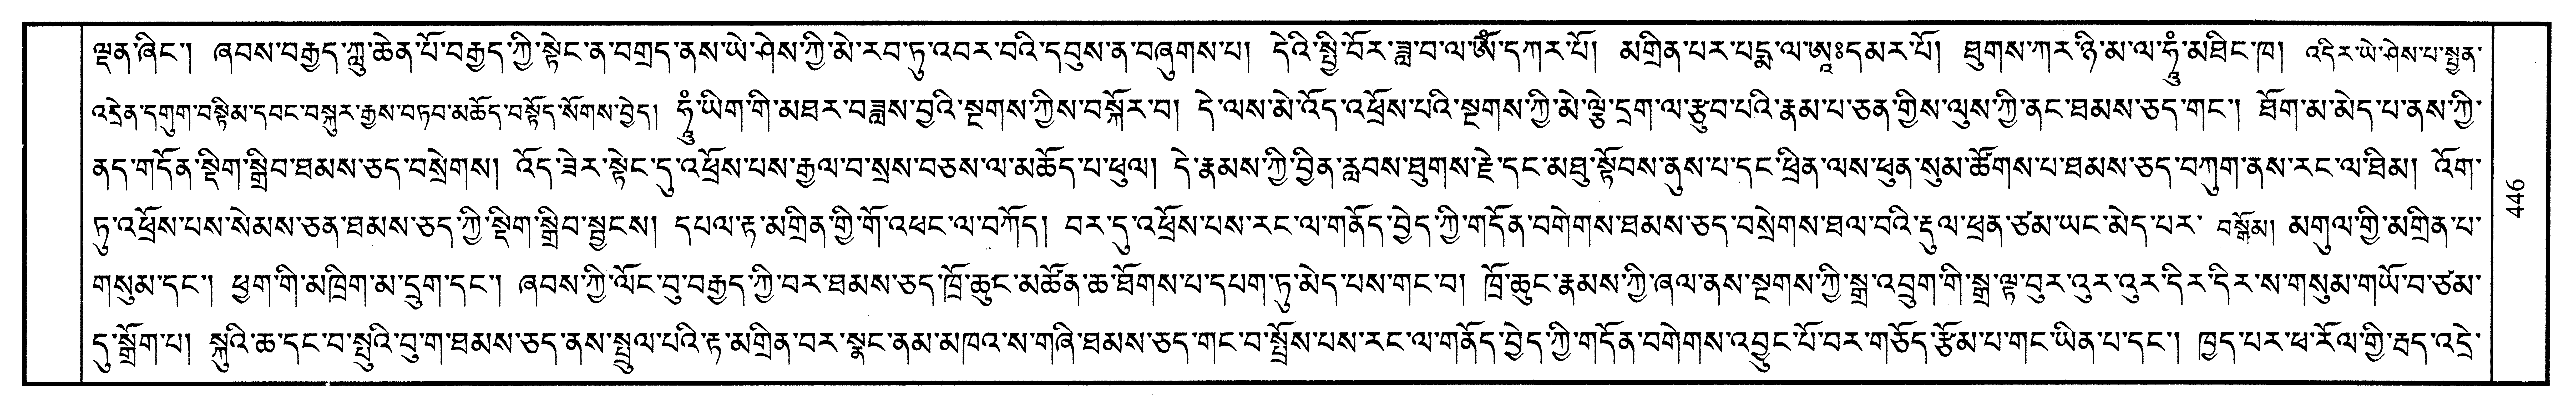ལྡན་ཞིང་། ཞབས་བརྒྱད་ཀླུ་ཆེན་པོ་བརྒྱད་ཀྱི་སྟེང་ན་བགྲད་ནས་ཡེ་ཤེས་ཀྱི་མེ་རབ་ཏུ་འབར་བའི་དབུས་ན་བཞུགས་པ། དེའི་སྤྱི་བོར་ཟླ་བ་ལ་ཨོཾ་དཀར་པོ། མགྲིན་པར་པདམ་ལ་ཨཱཿ དམར་པོ། ཐུགས་ཀར་ཉི་མ་ལ་ཧཱུཾ་མཐིང་ཁ། འདིར་ཡེ་ཤེས་པ་སྤྱན་
འདྲེན་དགུག་བསྟིམ་དབང་བསྐུར་རྒྱས་བཏབ་མཆོད་བསྟོད་སོགས་བྱེད། ཧཱུཾ་ཡིག་གི་མཐར་བཟླས་བྱའི་སྔགས་ཀྱིས་བསྐོར་བ། དེ་ལས་མེ་འོད་འཕྲོས་པའི་སྔགས་ཀྱི་མེ་ལྕེ་དྲག་ལ་རྩུབ་པའི་རྣམ་པ་ཅན་གྱིས་ལུས་ཀྱི་ནང་ཐམས་ཅད་གང་། ཐོག་མ་མེད་པ་ནས་ཀྱི་
ནད་གདོན་སྡིག་སྒྲིབ་ཐམས་ཅད་བསྲེགས། འོད་ཟེར་སྟེང་དུ་འཕྲོས་པས་རྒྱལ་བ་སྲས་བཅས་ལ་མཆོད་པ་ཕུལ། དེ་རྣམས་ཀྱི་བྱིན་རླབས་ཐུགས་རྗེ་དང་མཐུ་སྟོབས་ནུས་པ་དང་ཕྲིན་ལས་ཕུན་སུམ་ཚོགས་པ་ཐམས་ཅད་བཀུག་ནས་རང་ལ་ཐིམ། འོག་
ཏུ་འཕྲོས་པས་སེམས་ཅན་ཐམས་ཅད་ཀྱི་སྡིག་སྒྲིབ་སྦྱངས། དཔལ་རྟ་མགྲིན་གྱི་གོ་འཕང་ལ་བཀོད། བར་དུ་འཕྲོས་པས་རང་ལ་གནོད་བྱེད་ཀྱི་གདོན་བགེགས་ཐམས་ཅད་བསྲེགས་ཐལ་བའི་རྡུལ་ཕྲན་ཙམ་ཡང་མེད་པར་བསྒོམ། མགུལ་གྱི་མགྲིན་པ་
གསུམ་དང་། ཕྱག་གི་མཁྲིག་མ་དྲུག་དང་། ཞབས་ཀྱི་ལོང་བུ་བརྒྱད་ཀྱི་བར་ཐམས་ཅད་ཁྲོ་ཆུང་མཚོན་ཆ་ཐོགས་པ་དཔག་ཏུ་མེད་པས་གང་བ། ཁྲོ་ཆུང་རྣམས་ཀྱི་ཞལ་ནས་སྔགས་ཀྱི་སྒྲ་འབྲུག་གི་སྒྲ་ལྟ་བུར་འུར་འུར་དིར་དིར་ས་གསུམ་གཡོ་བ་ཙམ་
དུ་སྒྲོག་པ། སྐུའི་ཆ་དང་བ་སྤུའི་བུ་ག་ཐམས་ཅད་ནས་སྤྲུལ་པའི་རྟ་མགྲིན་བར་སྣང་ནམ་མཁའ་ས་གཞི་ཐམས་ཅད་གང་བ་སྤྲོས་པས་རང་ལ་གནོད་བྱེད་ཀྱི་གདོན་བགེགས་འབྱུང་པོ་བར་གཅོད་རྩོམ་པ་གང་ཡིན་པ་དང་། ཁྱད་པར་ཕ་རོལ་གྱི་རྦད་འདྲེ་